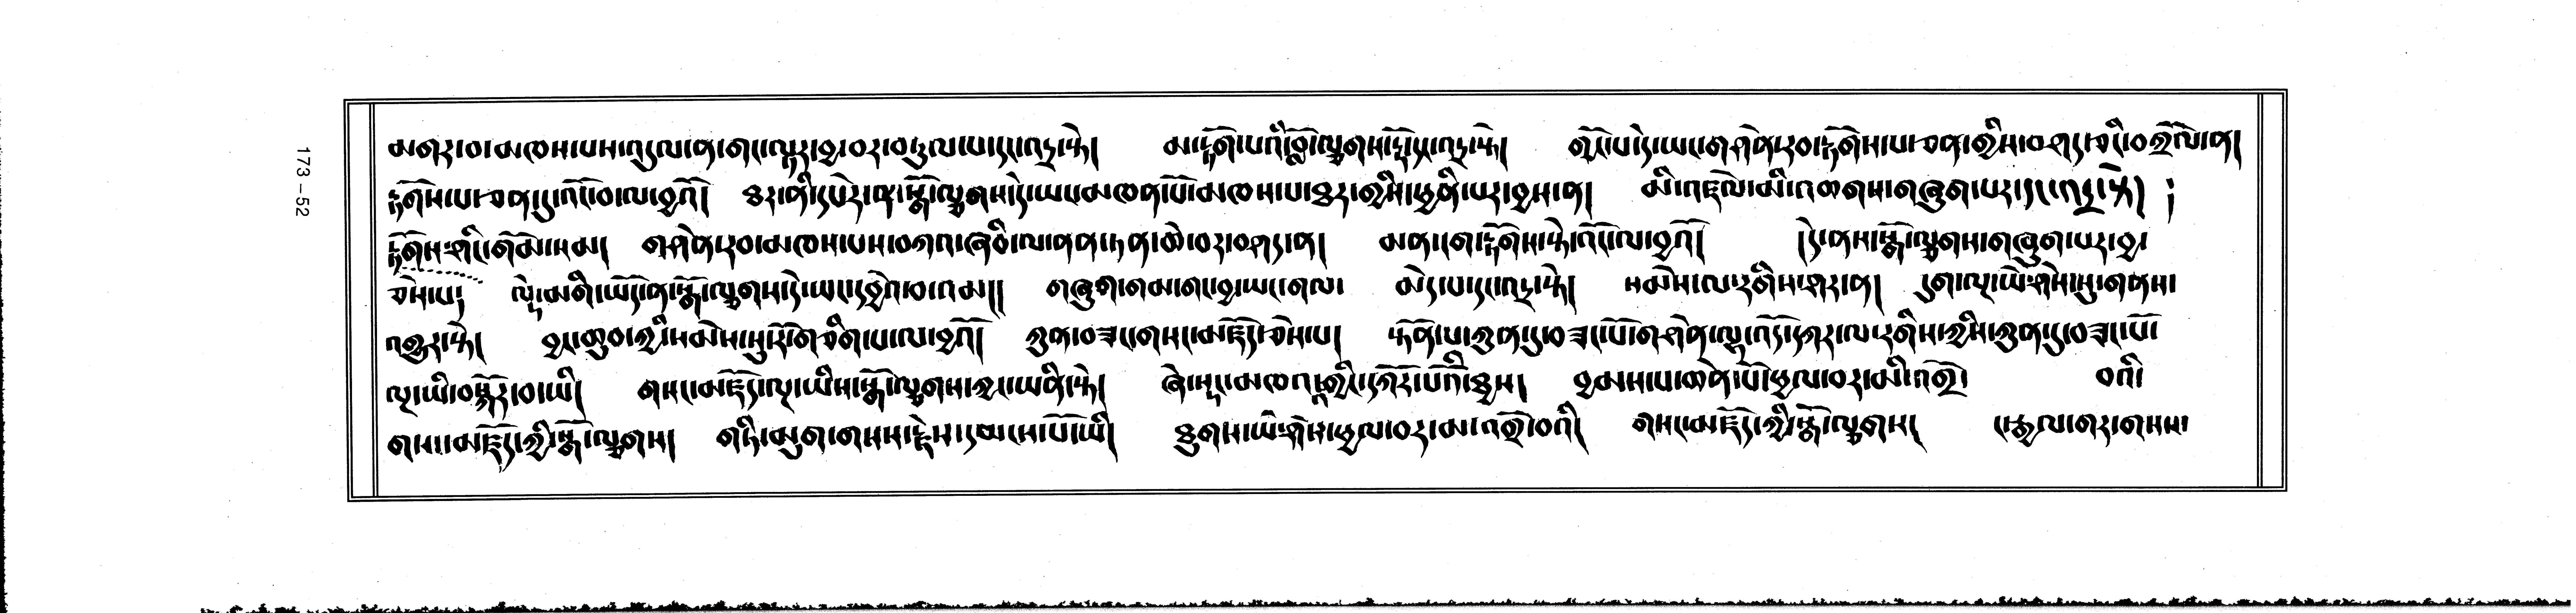མགར་བ་མཁས་པས་འདུལ་ན་གང་ལྟར་བྱ་བར་བཏུལ་བ་དང་འདྲ་སྟེ། མ་རྟོགས་པའི་བློ་ལྕགས་རྡོ་དང་འདྲ་སྟེ། གྱོང་པ་དེ་ཡང་གཤེན་རབ་རྟོགས་པ་ཅན་གྱིས་བཤད་ཅིང་བཀྲོལ་ན་
རྟོགས་པ་ཅན་དུ་འོང་བ་ལ་བྱའོ། །ཐར་ནི་དཔེར་ན་སྒོ་ལྕགས་དེ་ཡང་མཁན་པོ་མཁས་པ་ཐར་གྱིས་ཕྱིན་པར་བྱས་ན། མི་འཛེལ་མི་འཆགས་གཞུགས་པ་དང་འདྲ་སྟེ། 
རྟོགས་ཤིང་གོམས་སམ་གཤེན་རབ་མཁས་པས་བཀའ་ཞིབ་ལ་ནན་ཏན་ཆེ་བར་བཤད་ན། མན་ངག་རྟོགས་ཏེ་འོང་ལ་བྱའོ། །དེ་ནས་སྒོ་ལྕགས་གཞུག་པར་བྱ་
ཅེས་པ། ལྡེ་མིག་ཡོད་ན་སྒོ་ལྕགས་དེ་ཡང་དབྱེ་བའམ། གཞུག་གམ་གང་བྱ་ཡང་གལ་མེད་པ་དང་འདྲ་སྟེ། སེམས་ལ་རིག་པ་ཤར་ན། དུག་ལྔ་ཡེ་ཤེས་སུ་གནས་
འགྱུར་སྟེ། བྱང་ཆུབ་ཀྱི་སེམས་སུ་རོ་གཅིག་པ་ལ་བྱའོ། །ཀུན་བཟང་གསང་མཛོད་ཅེས་པ། སྟོན་པ་ཀུན་ཏུ་བཟང་པོ་གཤེན་ལྷ་འོད་དཀར་ལ་རིགས་ཀྱིས་ཀུན་ཏུ་བཟང་པོ་
ལྔ་ཡིས་བསྐོར་བ་ཡི། གསང་མཛོད་ལྔ་ཡི་སྒོ་ལྕགས་ཀྱང་ཡིན་ཏེ། ཞེ་སྡང་མཁའ་འགྱིང་དཀར་པོའི་ཐུགས། བྱམས་པ་ཆེན་པོ་ཕྱལ་བར་མི་འགྲོ་བའི། 
གསང་མཛོད་ལྕགས། གཏི་མུག་གསས་རྗེ་དམངས་པོ་ཡི། ཐུགས་ཡེ་ཤེས་ཕྱལ་བར་མི་འགྲོ་བའི། གསང་མཛོད་ཀྱི་སྒོ་ལྕགས། ང་རྒྱལ་གར་གསས་